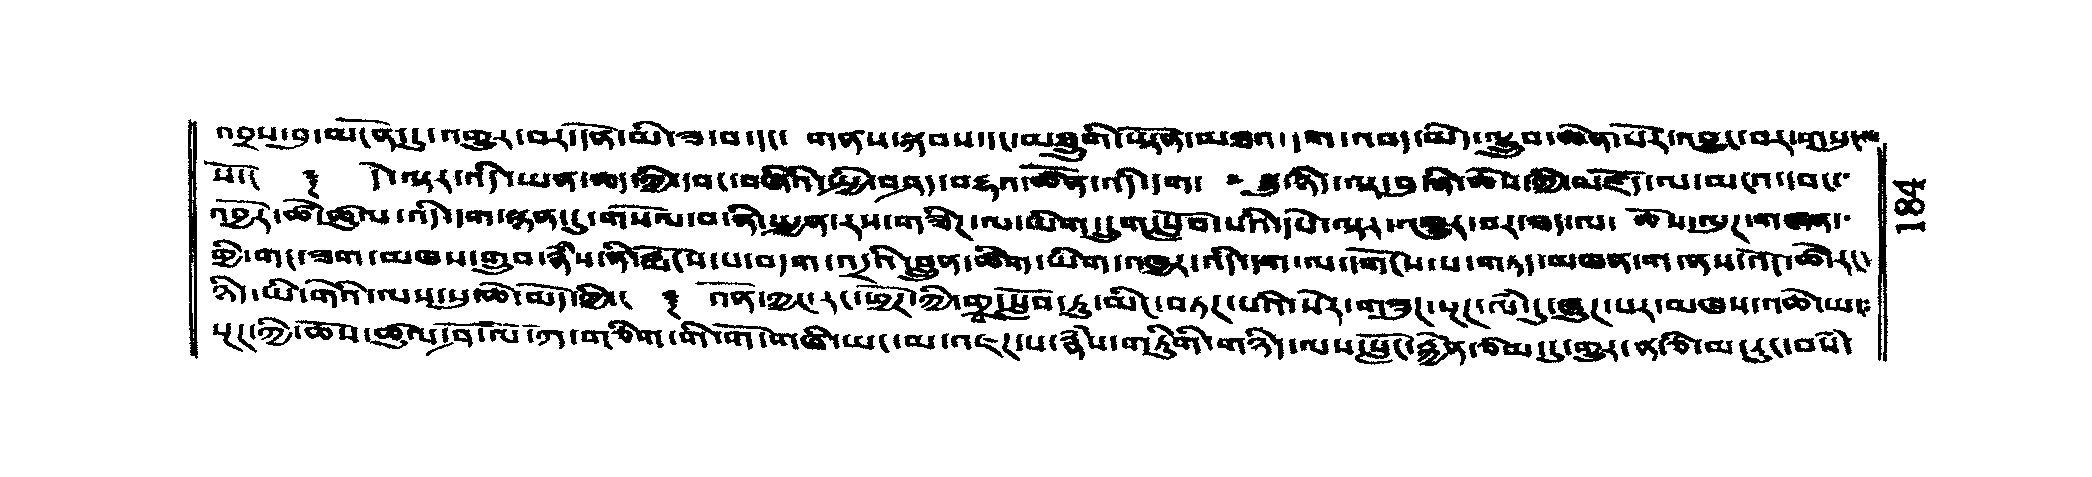འབྲས་བུ་མངོན་དུ་འགྱུར་བར་གདོན་མི་ཟ་བ་དང་། གནས་སྐབས་དང་མཐར་ཐུག་གི་ཡོན་ཏན་མཐའ་དག་འབད་མེད་ལྷུན་གྲུབ་ཆེན་པོར་འབྱུང་བར་གསུངས་
སོ། དེ་ལྟར་འདི་ཡན་ཆད་ཀྱི་དབང་བཞིའི་སྤྱི་བཤད་བརྡ་ཚོན་འདི་དག་སྐུ་ཉིད་ལྟ་བུ་ནི་ཆོས་ཀྱི་མཛོད་ལ་མངའ་དབང་
འབྱོར་ཚེ་ཚུལ་འདི་དག་སྙན་དུ་གསོལ་བ་ནི་སྤྱན་རས་གཟིགས་ལ་ཡིག་དྲུག་སློབ་པའི་དཔེ་ལྟར་འགྱུར་བར་ཟད་ལ། ཆོས་ལུགས་གཞན་
གྱི་གང་ཟག་མཁས་གྲུབ་རྣམས་ནི་རྨོངས་པ་བདག་འདྲའི་བླུན་ཚིག་ཡིག་འཁྱར་འདི་དག་ལ་དགོངས་པ་གཏད་མཁན་ག་ནས་འོང་ཚེ་རང་
ཉིད་ཡི་གེའི་ལས་སུ་ཆེ་མོད་ཀྱི། འོན་ཀྱང་རང་ཕྱོགས་ཀྱི་གྲྭ་སློབ་ཏུ་མིང་བཏགས་པའི་སེར་གཟུགས་སྔགས་ལམ་དུ་ཞུགས་པར་ཁས་ཆེ་ཡང་
སྔགས་ཀྱི་ཆོས་ཚུལ་ཤོ་ལོ་ཀ་གཅིག་གི་གོ་གཞི་ཡང་མ་འཇགས་པ་རྣམས་གཏི་མུག་གི་གཉིད་ལས་སློང་རྐྱེན་ཙམ་དུ་གྱུར་ན་ཅི་མ་རུང་བསམ་